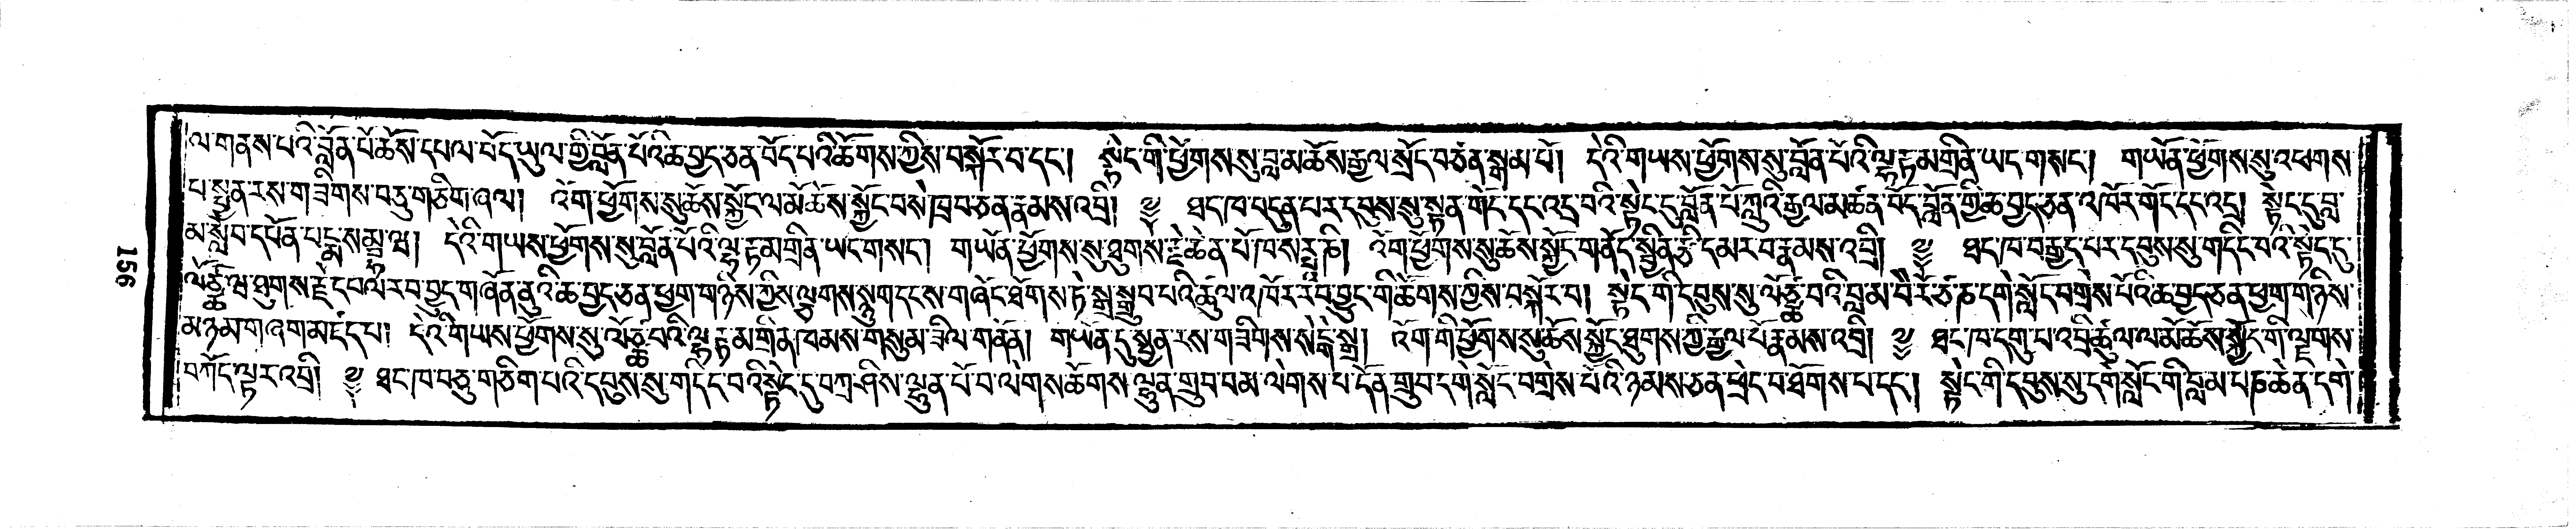ལ་གནས་པའི་བློན་པོ་ཆོས་དཔལ་བོད་ཡུལ་གྱི་བློན་པོའི་ཆ་བྱད་ཅན་བོད་པའི་ཆོགས་ཀྱིས་བསྐོར་བ་དང་། སྟེང་གི་ཕྱོགས་སུ་བླ་མ་ཆོས་རྒྱལ་སྲོངད་བཙན་སྒམ་པོ། དེའི་གཡས་ཕྱོགས་ས་བློན་པོའི་ལྷ་རྟ་མགྲིན་ཡང་གསང་། གཡོན་ཕྱོགས་སུ་འཕགས་
པ་སྤྱན་རས་གཟིགས་བཅུ་གཅིག་ཞལ། འོག་ཕྱོགས་སུ་ཆོས་སྐྱོང་ལ་མོ་ཆོས་སྐྱོང་བ་སེ་ཁྲབ་ཅན་རྣམས་འབྲི། ༈ ཐད་ཁ་བདུན་པར་དབུས་སུ་སྟན་གོང་དང་འདྲ་བའི་སྟེང་དུ་བློན་པོ་ཀླུའི་རྒྱལ་མཚན་བོད་བློན་གྱི་ཆ་བྱད་ཅན་འཁོར་གོང་དང་འདྲ། སྟེང་དུ་བླ་
མ་སློབ་དཔོན་པདམ་སམྦྷ་ཝ། དེའི་གཡས་ཕྱོགས་སུ་བློན་པོའི་ལྷ་རྟ་མགྲིན་ཡང་གསང་། གཡོན་ཕྱོགས་སུ་ཐུགས་རྗེ་ཆེན་པོ་ཁ་སརྤཱ་ཎི། འོག་ཕྱོགས་སུ་ཆོས་སྐྱོང་གནོད་སྦྱིན་རྩི་དམར་བ་རྣམས་འབྲི། ༈ ཐད་ཁ་བརྒྱད་པར་དབུས་སུ་གདིང་བའི་སྟེང་དུ་
ལོ་ཙྪ་ཝ་ཐུགས་རྗེ་དཔལ་རབ་བྱུང་གཞོན་ནུའི་ཆ་བྱད་ཅན་ཕྱག་གཉིས་ཀྱིས་ལྕགས་སྙུག་དང་ས་གཞོང་ཐོགས་ཏེ་སྒྲ་སྒྲུབ་པའི་ཚུལ་འཁོར་རབ་བྱུང་གི་ཚོགས་ཀྱིས་བསྐོར་བ། སྟེང་གི་དབུས་སུ་ལོ་ཙྪ་བའི་བླ་མ་བཻ་རོ་ཙ་ཎ་དགེ་སློང་བགྲེས་པོའི་ཆ་བྱད་ཅན་ཕྱག་གཉིས་
མཉམ་གཞག་མཛད་པ། དེའི་གཡས་ཕྱོགས་སུ་ལོཙྪ་བའི་ལྷ་རྟ་མགྲིན་ཁམས་གསུམ་ཟིལ་གནོན། གཡོན་དུ་སྦྱན་རས་གཟིགས་སེདགེ་སྒྲ། འོག་གི་ཕྱོགས་སུ་ཆོས་སྐྱོང་ཐུགས་ཀྱི་རྒྱལ་པོ་རྣམས་འབྲི། ༈ ཐང་ཁ་དགུ་པ་འབྲི་ཚུལ་ལ་མོ་ཆོས་སྐྱོད་གི་ལྗགས་
བཀོད་ལྟར་འབྲི། ༈ ཐང་ཁ་བཅུ་གཅིག་པའི་དབུས་སུ་གདིང་བའི་སྟེང་དུ་བཀྲ་ཤིས་ལྷུན་པོ་བ་ལེགས་ཆོགས་ལྷུན་གྲུབ་བམ་ལེགས་པ་དོན་གྲུབ་དགེ་སློང་བགྲེས་པོའི་ཉམས་ཅན་ཕྲེད་བ་ཐོགས་པ་དང་། སྟེང་གི་དབུས་སུ་དགེ་སློང་གི་བླ་མ་པཎ་ཆེན་དགེ་